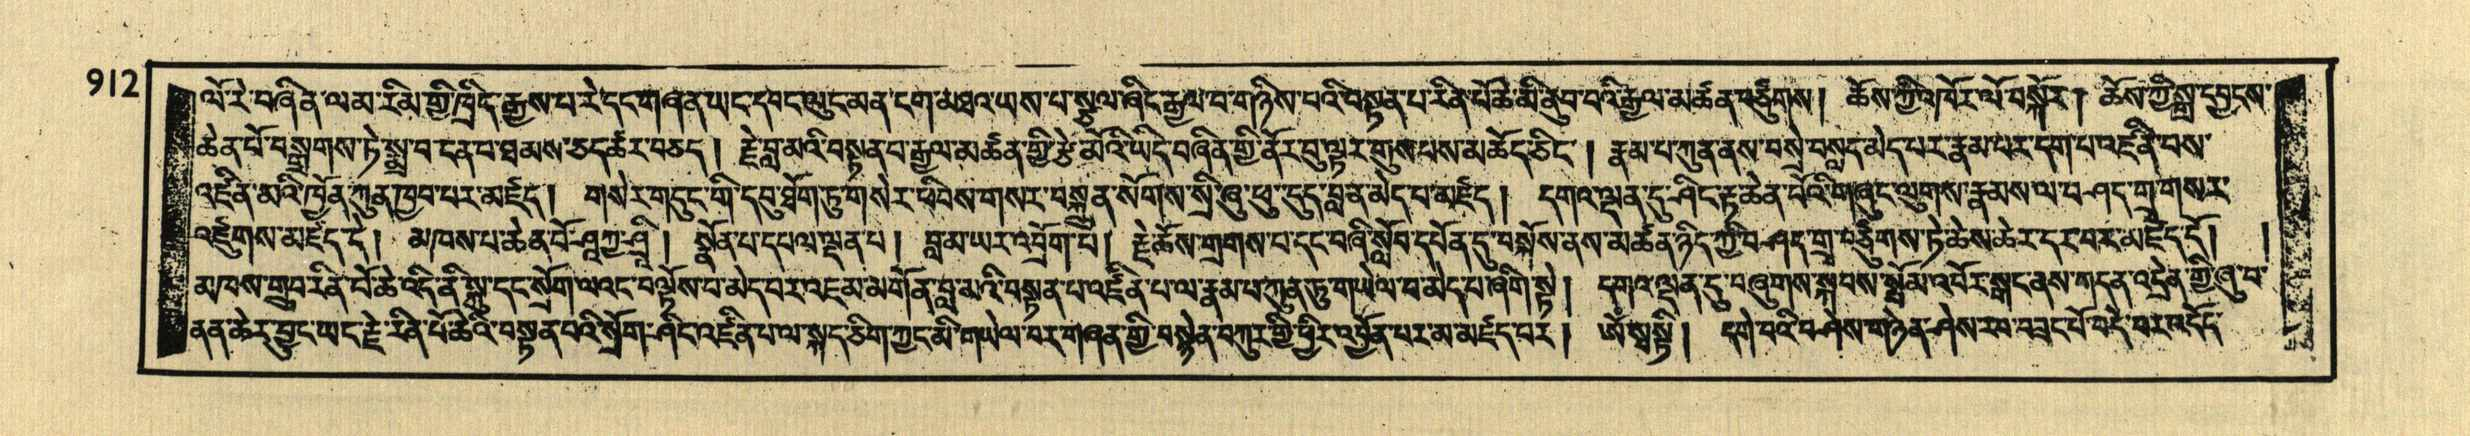ལོ་རེ་བཞིན་ལམ་རིམ་གྱི་ཁྲིད་རྒྱས་པ་རེ་དང་གཞན་ཡང་དབང་ལུང་མན་ངག་མཐའ་ཡས་པ་སྩལ་ཞིང་རྒྱལ་བ་གཉིས་པའི་བསྟན་པ་རིན་པོ་ཆེ་མི་ནུབ་བའི་རྒྱལ་མཚན་བཙུགས། ཆོས་ཀྱི་འཁོར་ལོ་བསྐོར། ཆོས་ཀྱི་སྒྲ་དབྱངས་
ཆེན་པོ་བསྒྲགས་ཏེ་སྨྲ་བ་ངན་བ་ཐམས་ཅད་ཚར་བཅད། རྗེ་བླ་མའི་བསྟན་པ་རྒྱལ་མཚན་གྱི་རྩེ་མོའི་ཡིད་བཞིན་གྱི་ནོར་བུ་ལྟར་གུས་པས་མཆོད་ཅིང་། རྣམ་པ་ཀུན་ནས་བསྲེ་བསླད་མེད་པར་རྣམ་པར་དག་པ་འཛིན་བས་
འཛིན་མའི་ཁྱོན་ཀུན་ཁྱབ་པར་མཛད། གསེར་གདུང་གི་དབུ་ཐོག་ཏུ་གསེར་ཕིབས་གསར་བསྐྲུན་སོགས་སྲི་ཞུ་ཕུ་དུད་བླ་ན་མེད་པ་མཛད། དགའ་ལྡན་དུ་ཤིང་རྟ་ཆེན་པོའི་གཞུང་ལུགས་རྣམས་ལ་བཤད་གྲ་གསར་
འཛུགས་མཛད་དེ། མཁས་པ་ཆེན་བོ་ཤཱཀྱ་ཤྲཱི། སྣོན་པ་དཔལ་ལྡན་པ། བླ་མ་ཡར་འབྲོག་པ། རྗེ་ཆོས་གྲགས་པ་དང་བཞི་སློབ་དཔོན་དུ་བསྐོས་ནས་མཚན་ཉིད་ཀྱི་བཤད་གྲྭ་བཙུགས་ཏེ་ཆེས་ཆེར་དར་བར་མཛད་དོ། །
མཁས་གྲུབ་རིན་པོ་ཆེ་འདི་ནི་སྐུ་དང་སྲོག་ལའང་བལྟོས་པ་མེད་བར་འཇམ་མགོན་བླ་མའི་བསྟན་པ་འཛིན་པ་ལ་རྣམ་པ་ཀུན་ཏུ་གཡེལ་བ་མེད་པ་ཞིག་སྟེ། དགའ་ལྡན་དུ་བཞུགས་སྐབས་སྤོམ་འབོར་སྒང་གནས་གདན་འདྲེན་གྱི་ཞུ་བ་
ནན་ཆེར་བྱུང་ཡང་རྗེ་རིན་པོ་ཆེའི་བསྟན་བའི་སྲོག་ཤིང་འཛིན་པ་ལ་སྐད་ཅིག་ཀྱང་མི་གཡེལ་བར་གཞན་གྱི་བསྙེན་བཀུར་གྱི་ཕྱིར་འབྱོན་པར་མ་མཛད་བར། ཨོཾ་སྭ་སྟི། དགེ་བའི་བཤེས་གཉེན་ཤེས་རབ་བཟང་པོ་བདེ་བར་འདོད་